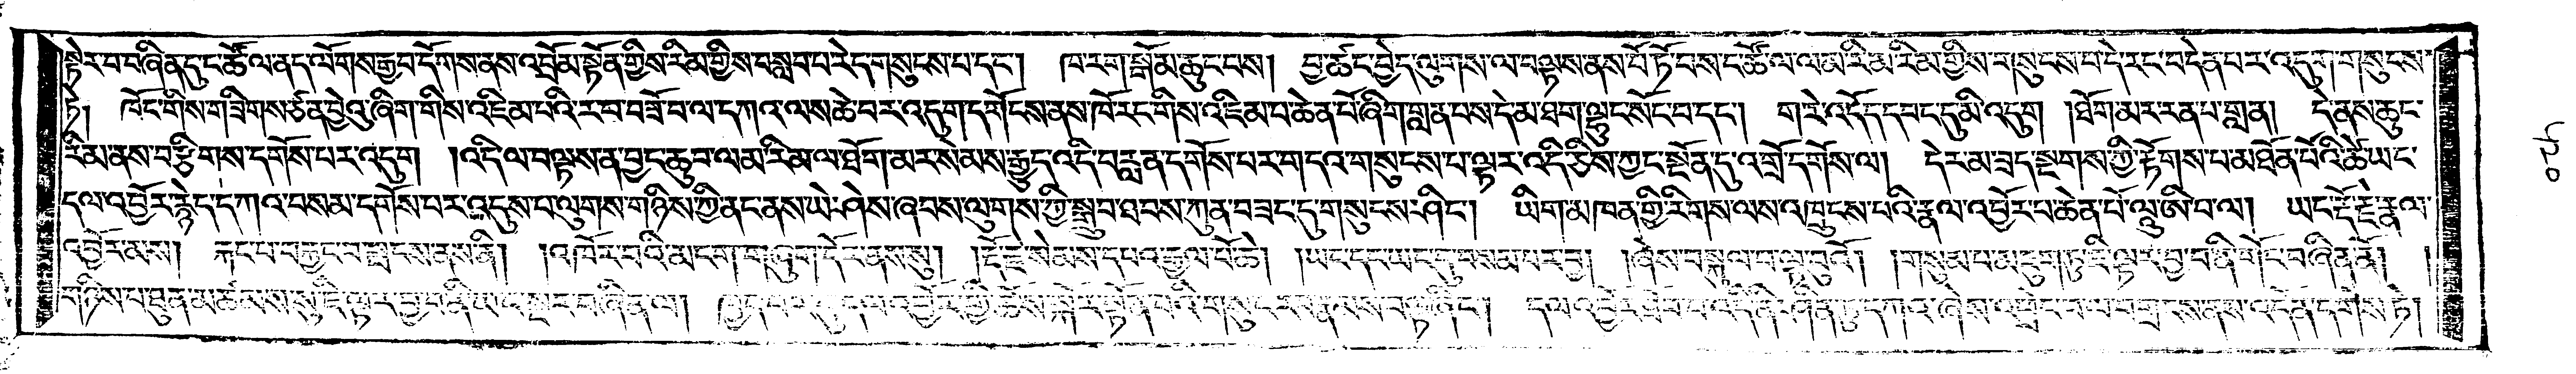སྟེར་བ་བཞིན་དུང་ཚོ་ལ་ནད་ལོགས་རྒྱབ་དོགས་ནས་འབྲོམ་སྟོན་གྱིས་རིམ་གྱིས་བསླབ་བ་རེད་གསུངས་པ་དང་། ཁ་ངག་སྒོམ་ཆུང་བས། བྱ་ཚང་བྱེད་ལུགས་ལ་བལྟས་ནས་བོ་ཏོ་བས་ང་ཚོལ་ལམ་རིམ་རིམ་གྱིས་གསུངས་པ་དེ་རང་བདེན་པར་འདུག་གསུངས་
ཏེ༑ ཁོང་གིས་གཟིགས་ཙ་ན་བྱེའུ་ཞིག་གིས་འཛིམ་པའི་རབ་བཟོ་བ་ལ་དཀའ་ལས་ཆེ་བར་འདུག་དགོངས་ནས་ཁོ་རང་གིས་འཇིམ་པ་ཆེན་པོ་ཞིག་གླན་པས་དེ་མ་ཐག་ལྷུང་སོང་བ་དང་། ག་རེ་འདོད་དབང་དུ་མི་འདུག །ཐོག་མར་རན་པ་གླན། དེ་ནས་ཆུང་
རིམ་ནས་བརྩིགས་དགོས་པར་འདུག །འདི་ལ་བལྟས་ན་བྱང་ཆུབ་ལམ་རིམ་ལ་ཐོག་མར་སེམས་རྒྱུད་འདི་བརླན་དགོས་པར་གདའ་གསུངས་པ་ལྟར་འདི་ཅིས་ཀྱང་སྔོན་དུ་འགྲོ་དགོས་ལ། དེར་མ་ཟད་སྔགས་ཀྱི་རྟོགས་པ་མཐོན་བོའི་ཚེ་ཡང་
དལ་འབྱོར་རྙེད་དཀའ་བསམ་དགོས་པར་འདུས་པ་ལུགས་གཉིས་ཀྱི་ནང་ནས་ཡེ་ཤེས་ཞབས་ལུགས་ཀྱི་སྒྲུབ་ཐབས་ཀུན་བཟང་དུ་གསུངས་ཤིང་། ཡིག་མཁན་གྱི་རིགས་ལས་འཁྲུངས་བའི་རྣལ་འབྱོར་པ་ཆེན་པོ་ལཱུ་ཨི་པ་ལ། ཡང་རྡོ་རྗེ་རྣལ་
འབྱོར་མས། རྐང་བ་བརྐྱང་བ་སྤངས་ནས་ནི། །འཁོར་བའི་མངག་གཞུག་དོར་ནས་སུ། །རྡོ་རྗེ་སེམས་དཔའ་རྒྱལ་པོ་ཆེ། །ཡང་དང་ཡང་དུ་བསམ་པར་བྱ། །ཞེས་བསྐུལ་བ་ལྟ་བུའོ། །གསུམ་བ་མཇུག་ཏུ་ཇི་ལྟར་བྱ་བ་ནི་གོང་བཞིན་ནོ། །
གཉིས་པ་ཐུན་མཚམས་སུ་ཇི་ལྟར་བྱ་བ་ནི་ཡང་སྔར་བཞིན་ལ། ཁྱད་པར་དུ་དལ་འབྱོར་གྱི་ཆོས་སྐོར་སྟོན་པའི་གསུང་རབ་རྣམས་བལྟ་ཞིང་། དལ་འབྱོར་ཐོབ་པ་འདི་ནི་ཤིན་ཏུ་དཀའ་ཞེས་འཕྲེང་བ་ལ་བགྲངས་ནས་འདོན་དགོས་ཏེ།